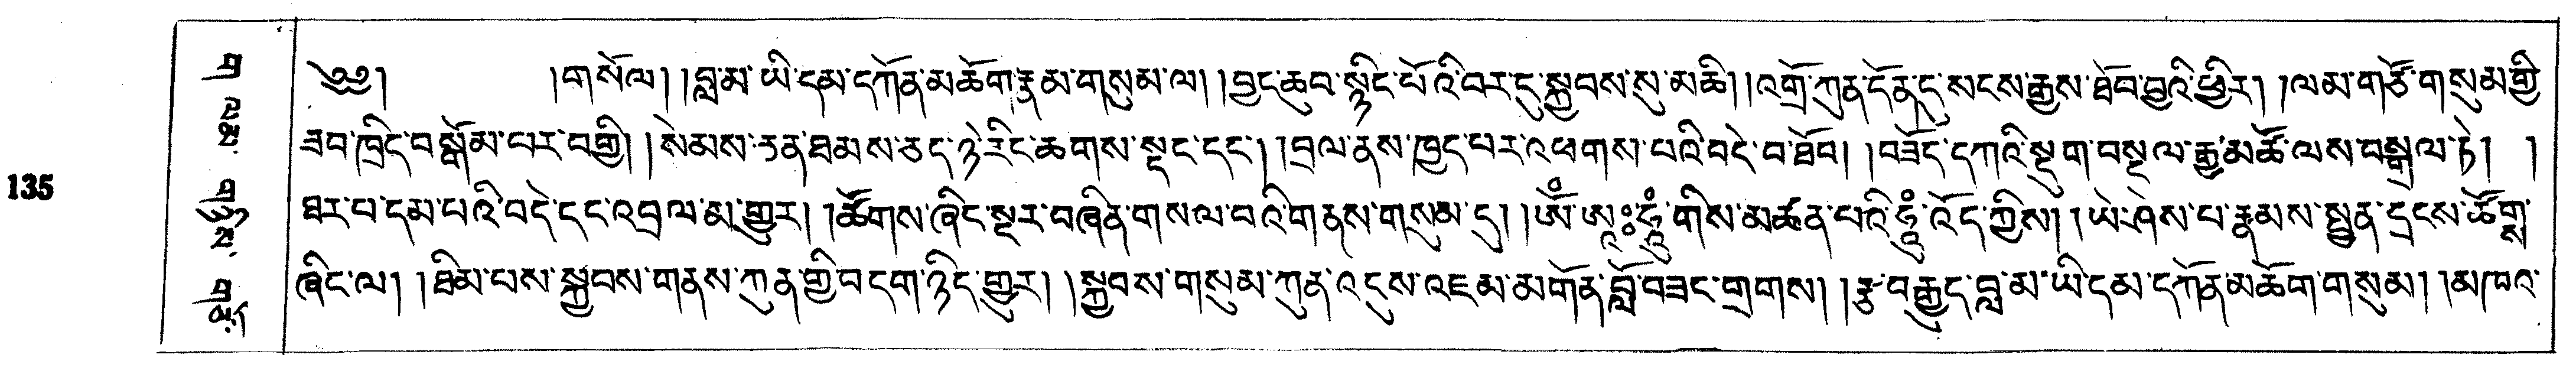༄༅། །གསོལ། །བླ་མ་ཡི་དམ་དཀོན་མཆོག་རྣམ་གསུམ་ལ། །བྱང་ཆུབ་སྙིང་པོའི་བར་དུ་སྐྱབས་སུ་མཆི། །འགྲོ་ཀུན་དོན་དུ་སངས་རྒྱས་ཐོབ་བྱའི་ཕྱིར། །ལམ་གཙོ་གསུམ་གྱི་
ཟབ་ཁྲིད་བསྒོམ་པར་བགྱི། །སེམས་ཅན་ཐམས་ཅད་ཉེ་རིང་ཆགས་སྡང་དང་། །བྲལ་ནས་ཁྱད་པར་འཕགས་པའི་བདེ་བ་ཐོབ། །བཟོད་དཀའི་སྡུག་བསྔལ་རྒྱ་མཚོ་ལས་བསྒྲལ་ཏེ། །
ཐར་པ་དམ་པའི་བདེ་དང་འབྲལ་མ་གྱུར། །ཚོགས་ཞིང་སྔར་བཞིན་གསལ་བའི་གནས་གསུམ་དུ། །ཨོཾ་ཨཱཿ ཧཱུཾ་གིས་མཚན་པའི་ཧཱུཾ་འོད་ཀྱིས། །ཡེ་ཤེས་པ་རྣམས་སྤྱན་དྲངས་ཚོགས་
ཞིང་ལ། །ཐིམ་པས་སྐྱབས་གནས་ཀུན་གྱི་བདག་ཉིད་གྱུར། །སྐྱབས་གསུམ་ཀུན་འདུས་འཇམ་མགོན་བློ་བཟང་གྲགས། །རྩ་བརྒྱུད་བླ་མ་ཡི་དམ་དཀོན་མཆོག་གསུམ། །མཁའ་